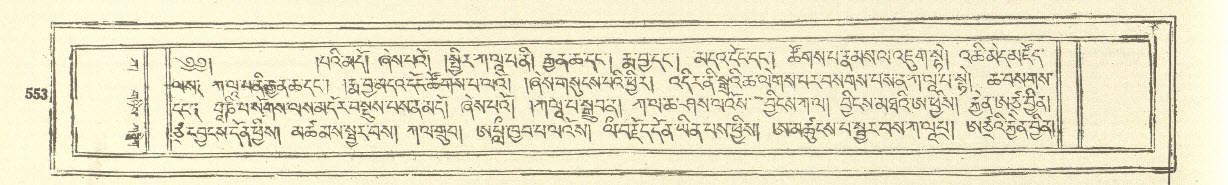༄༅། །པའི་མདོ། །ཞེས་པའོ། །སྤྱིར་ཀ་ལཱ་པ་ནི། རྒྱན་ཆ་དང་། རྨ་བྱ་དང་། མདའ་དོང་དང་། ཚོགས་པ་རྣམས་ལ་འཇུག་སྟེ། འཆི་མེད་མཛོད་
ལས། ཀ་ཀཱ་པ་ནི་རྒྱན་ཆ་དང་། །རྨ་བྱ་མདའ་དོང་ཚོགས་པ་ལའོ། །ཞེས་གསུངས་པའི་ཕྱིར། འདིར་ནི་སྒྲའི་ཆ་ལེགས་པར་བསགས་པས་ན་ཀ་ལཱ་པ་སྟེ། ཆ་བསགས་
དང་། པཱཎི་པ་སོགས་ལས་མདོར་བསྡུས་པས་ན་མདོ། །ཞེས་པའོ། །ཀ་ལཱ་པ་སྒྲུབ་ན། ཀ་ལཱ་ཆ་ཤས་ལ་འོས་བྱིངས་ཀ་ལ། བྱིངས་མཐའི་ཨ་ཕྱིས། རྐྱེན་ཨ་ཙ་བྱིན།
ཙ་དབྱངས་དོན་ཕྱིས། མཚམས་སྦྱར་བས། ཀ་ལ་གྲུབ། ཨཔླྀ་ཁྱབ་པ་ལའོས། ལྀ་བརྗོད་དོན་ཡིན་པས་ཕྱིས། ཨ་མཚུངས་པ་སྦྱར་བས་ཀ་ལཱ་པྲ། ཨ་ཙྲའི་རྐྱེན་བྱིན།